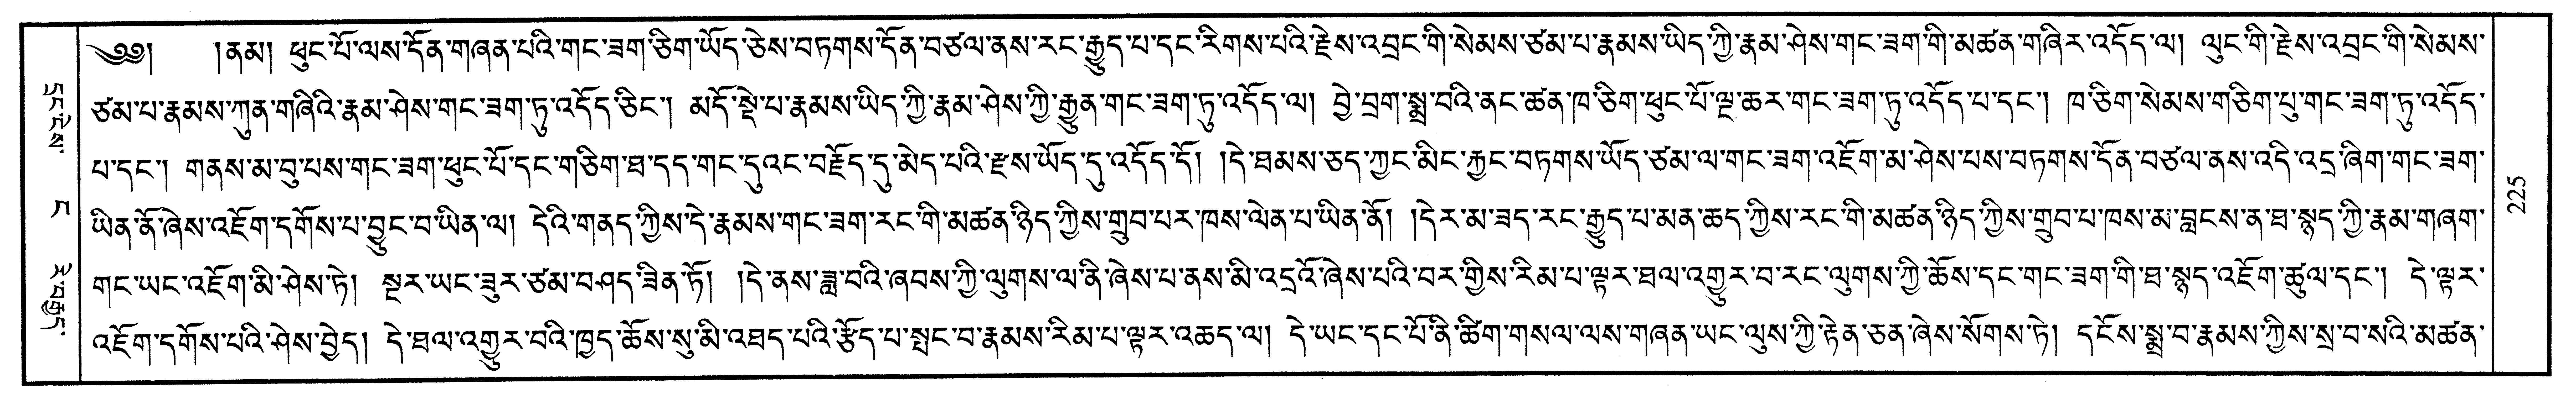༄༅། །ནམ། ཕུང་པོ་ལས་དོན་གཞན་པའི་གང་ཟག་ཅིག་ཡོད་ཅེས་བཏགས་དོན་བཙལ་ནས་རང་རྒྱུད་པ་དང་རིགས་པའི་རྗེས་འབྲང་གི་སེམས་ཙམ་པ་རྣམས་ཡིད་ཀྱི་རྣམ་ཤེས་གང་ཟག་གི་མཚན་གཞིར་འདོད་ལ། ལུང་གི་རྗེས་འབྲང་གི་སེམས་
ཙམ་པ་རྣམས་ཀུན་གཞིའི་རྣམ་ཤེས་གང་ཟག་ཏུ་འདོད་ཅིང་། མདོ་སྡེ་པ་རྣམས་ཡིད་ཀྱི་རྣམ་ཤེས་ཀྱི་རྒྱུན་གང་ཟག་ཏུ་འདོད་ལ། བྱེ་བྲག་སྨྲ་བའི་ནང་ཚན་ཁ་ཅིག་ཕུང་པོ་ལྔ་ཆར་གང་ཟག་ཏུ་འདོད་པ་དང་། ཁ་ཅིག་སེམས་གཅིག་པུ་གང་ཟག་ཏུ་འདོད་
པ་དང་། གནས་མ་བུ་པས་གང་ཟག་ཕུང་པོ་དང་གཅིག་ཐ་དད་གང་དུའང་བརྗོད་དུ་མེད་པའི་རྫས་ཡོད་དུ་འདོད་དོ། །དེ་ཐམས་ཅད་ཀྱང་མིང་རྐྱང་བཏགས་ཡོད་ཙམ་ལ་གང་ཟག་འཇོག་མ་ཤེས་པས་བཏགས་དོན་བཙལ་ནས་འདི་འདྲ་ཞིག་གང་ཟག་
ཡིན་ནོ་ཞེས་འཇོག་དགོས་པ་བྱུང་བ་ཡིན་ལ། དེའི་གནད་ཀྱིས་དེ་རྣམས་གང་ཟག་རང་གི་མཚན་ཉིད་ཀྱིས་གྲུབ་པར་ཁས་ལེན་པ་ཡིན་ནོ། །དེར་མ་ཟད་རང་རྒྱུད་པ་མན་ཆད་ཀྱིས་རང་གི་མཚན་ཉིད་ཀྱིས་གྲུབ་པ་ཁས་མ་བླངས་ན་ཐ་སྙད་ཀྱི་རྣམ་གཞག་
གང་ཡང་འཇོག་མི་ཤེས་ཏེ། སྔར་ཡང་ཟུར་ཙམ་བཤད་ཟིན་ཏོ། །དེ་ནས་ཟླ་བའི་ཞབས་ཀྱི་ལུགས་ལ་ནི་ཞེས་པ་ནས་མི་འདྲའོ་ཞེས་པའི་བར་གྱིས་རིམ་པ་ལྟར་ཐལ་འགྱུར་བ་རང་ལུགས་ཀྱི་ཆོས་དང་གང་ཟག་གི་ཐ་སྙད་འཇོག་ཚུལ་དང་། དེ་ལྟར་
འཇོག་དགོས་པའི་ཤེས་བྱེད། དེ་ཐལ་འགྱུར་བའི་ཁྱད་ཆོས་སུ་མི་འཐད་པའི་རྩོད་པ་སྤང་བ་རྣམས་རིམ་པ་ལྟར་འཆད་ལ། དེ་ཡང་དང་པོ་ནི་ཚིག་གསལ་ལས་གཞན་ཡང་ལུས་ཀྱི་རྟེན་ཅན་ཞེས་སོགས་ཏེ། དངོས་སྨྲ་བ་རྣམས་ཀྱིས་སྲ་བ་སའི་མཚན་